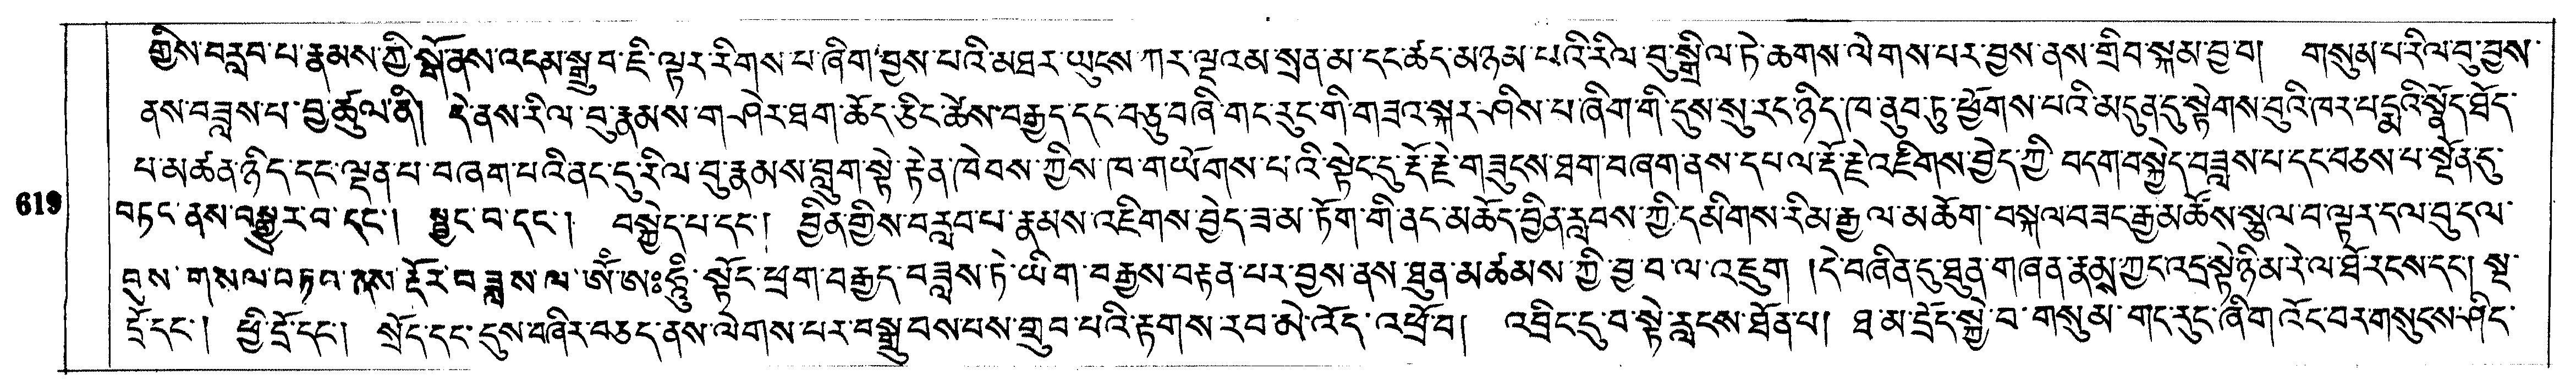གྱིས་བརླབ་པ་རྣམས་ཀྱི་སྒོ་ནས་འདམ་སྒྲུབ་ཇི་ལྟར་རིགས་པ་ཞིག་བྱས་པའི་མཐར་ཡུངས་ཀར་ལྔའམ་སྲན་མ་དང་ཚད་མཉམ་པའི་རིལ་བུ་སྒྲིལ་ཏེ་ཆགས་ལེགས་པར་བྱས་ནས་གྲིབ་སྐམ་བྱ་བ། གསུམ་པ་རིལ་བུ་བྱས་
ནས་བཟླས་པ་བྱ་ཚུལ་ནི། དེ་ནས་རིལ་བུ་རྣམས་གཤེར་ཐག་ཆོད་ཅིང་ཚེས་བརྒྱད་དང་བཅུ་བཞི་གང་རུང་གི་གཟའ་སྐར་ཤིས་པ་ཞིག་གི་དུས་སུ་རང་ཉིད་ཁ་ནུབ་ཏུ་ཕྱོགས་པའི་མདུན་དུ་སྟེགས་བུའི་ཁར་པདམའི་སྣོད་ཐོད་
པ་མཚན་ཉིད་དང་ལྡན་པ་གཞག་པའི་ནང་དུ་རིལ་བུ་རྣམས་བླུག་སྟེ་རྟེན་ཁེབས་ཀྱིས་ཁ་གཡོགས་པའི་སྟེང་དུ་རྡོ་རྗེ་གཟུངས་ཐག་བཞག་ནས་དཔལ་རྡོ་རྗེ་འཇིགས་བྱེད་ཀྱི་བདག་བསྐྱེད་བཟླས་པ་དང་བཅས་པ་སྔོན་དུ་
བཏང་ནས་བསྒྱུར་བ་དང་། སྦྱང་བ་དང་། བསྐྱེད་པ་དང་། བྱིན་གྱིས་བརླབ་པ་རྣམས་འཇིགས་བྱེད་ཟ་མ་ཏོག་གི་ནང་མཆོད་བྱིན་རླབས་ཀྱི་དམིགས་རིམ་རྒྱལ་མཆོག་བསྐལ་བཟང་རྒྱ་མཚོས་སྩལ་བ་ལྟར་དལ་བུ་དལ་
བུས་གསལ་བཏབ་ནས་རྡོར་བཟླས་ལ་ཨོཾ་ཨཿཧཱུཾ་སྟོང་ཕྲག་བརྒྱད་བཟླས་ཏེ་ཡིག་བརྒྱས་བརྟན་པར་བྱས་ནས་ཐུན་མཚམས་ཀྱི་བྱ་བ་ལ་འཇུག །དེ་བཞིན་དུ་ཐུན་གཞན་རྣམས་ཀྱང་འདྲ་སྟེ་ཉི་མ་རེ་ལ་ཐོ་རངས་དང་། སྔ་
དྲོ་དང་། ཕྱི་དྲོ་དང་། སྲོད་དང་དུས་བཞིར་བཅད་ནས་ལེགས་པར་བསྒྲུབས་པས་གྲུབ་པའི་རྟགས་རབ་ཨེ་འོད་འཕྲོ་བ། འབྲིང་དུ་བ་སྟེ་རླངས་ཐོན་པ། ཐ་མ་དྲོད་སྐྱེ་བ་གསུམ་གང་རུང་ཞིག་འོང་བར་གསུངས་ཤིང་